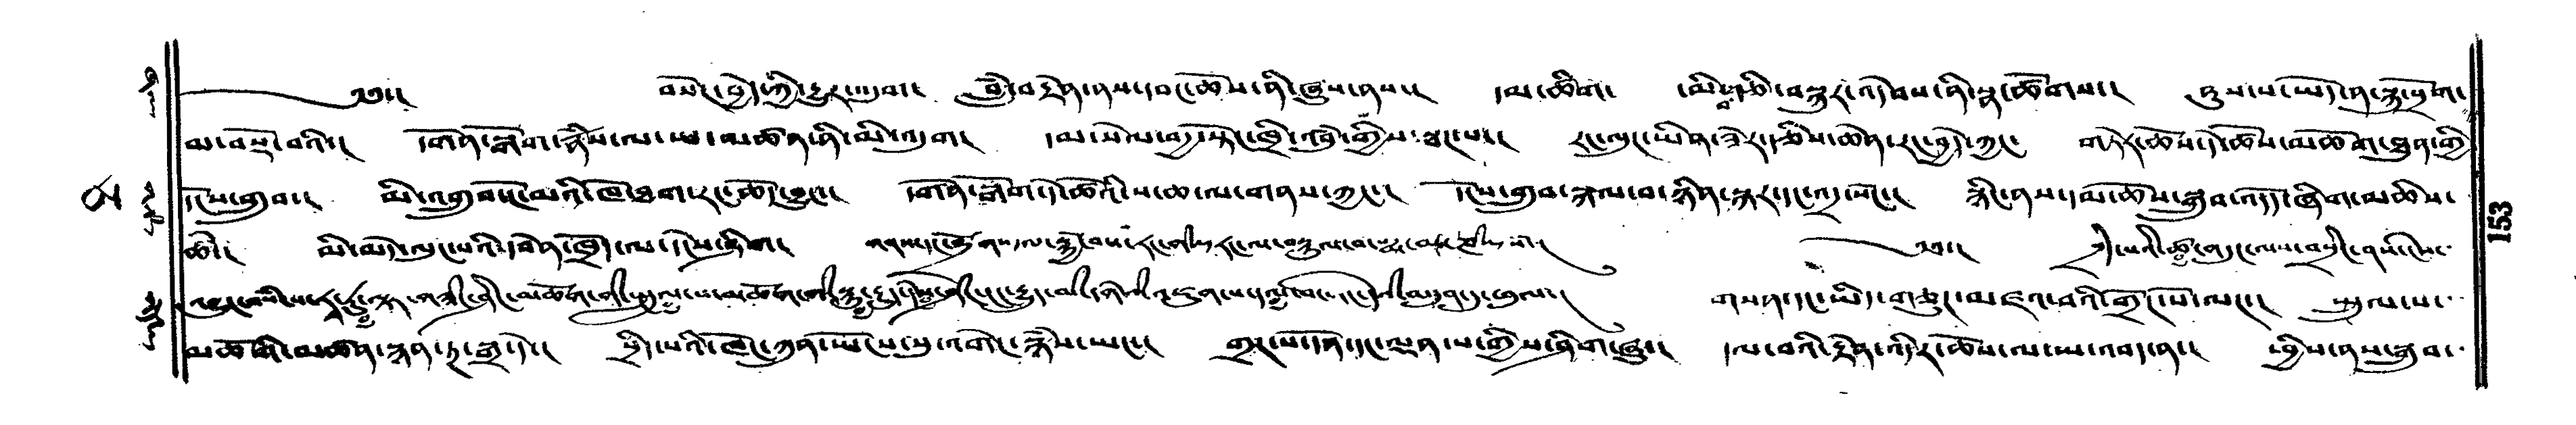བསོག་བྱེད་ཀྱི་རྒྱུར་འདུག །བླ་མ་བསྟེན་ནས་དབང་ཆོས་ནི་ཞུས་པས། །དམ་ཚིག་མི་བརྩི་སྐུར་འདེབས་ནི་སྣ་ཚོགས། །ནུས་པ་ཡོད་ན་སྐུ་སྲོག་
ལ་སྡོ་བའི། །དགོན་གོག་རྣམས་ལ་ཡ་མཚན་ནི་མི་འདུག །དམ་སེལ་བརྒྱ་སྟོང་ཁྲི་འབུམ་གྱིས་སྦགས་པ། །རང་ལུགས་ཡིན་ཟེར་རྩིས་ཆེན་རང་བྱེད་ཀྱང་། །གཏེར་ཆོས་དེ་ཚོས་མཆོག་ཐུན་གྱི་
དངོས་གྲུབ། །མི་འགྲུབ་ངོ་མའི་ཁོ་ཐག་རང་ཆོད་བྱུང་། །དགོན་གོག་དེ་ཚོའི་ས་ཆ་ལ་གནས་ཀྱང་། །དངོས་གྲུབ་སྐལ་བ་ཉིན་སྐར་དང་འདྲ་སོང་། །སྙིང་ནས་དམ་ཆོས་སྒྲུབ་འདོད་ཞིག་མཆིས་
ཚེ། །མི་མེད་ལུང་པའི་དབེན་ཁྲོད་ལ་དེངས་ཤིག གནས་དང་གྲོགས་ལ་སྐྱོ་བས་རང་གིས་རང་ལ་བསྐུལ་བ་པདྨ་མ་ཎིས་སོ།། ༄༅། སྲིད་པའི་ཚ་གདུང་ལས་བསྲིངས་ནས་ངེས་
འབྱུང་གི་བསམ་པ་རྭ་རུ་ལྟར་གཟིང་ཤིང་མཆོག་གི་སྤྲུལ་པ་མཆོག་གི་སྐུ་རྒྱུད་དེས་ཤིང་ངང་རྒྱུད་མི་དགེའི་འཇུག་པར་དལ་བ་གང་དེའི་མདུན་དུ་ཕུལ། གསན་དང་ཡིད་གཅུགས་མཛའ་བའི་གྲོགས་པོ་ལགས། །སྤྲུལ་པ་
མཆོག་གི་མཚན་སྙན་རྔ་སྒྲ་དེ། །སྲིད་པའི་ཁོང་ཀུན་ཡོངས་སུ་འགེང་སྙམ་ཡང་། །གྲགས་པ་དོན་དང་ལྡན་པ་གྱིས་ཤིག་ཞུ། །དལ་བའི་རྟེན་འདིར་ཆོས་ལ་མ་འབད་ན། །ཕྱིས་ནས་སྒྲུབ་